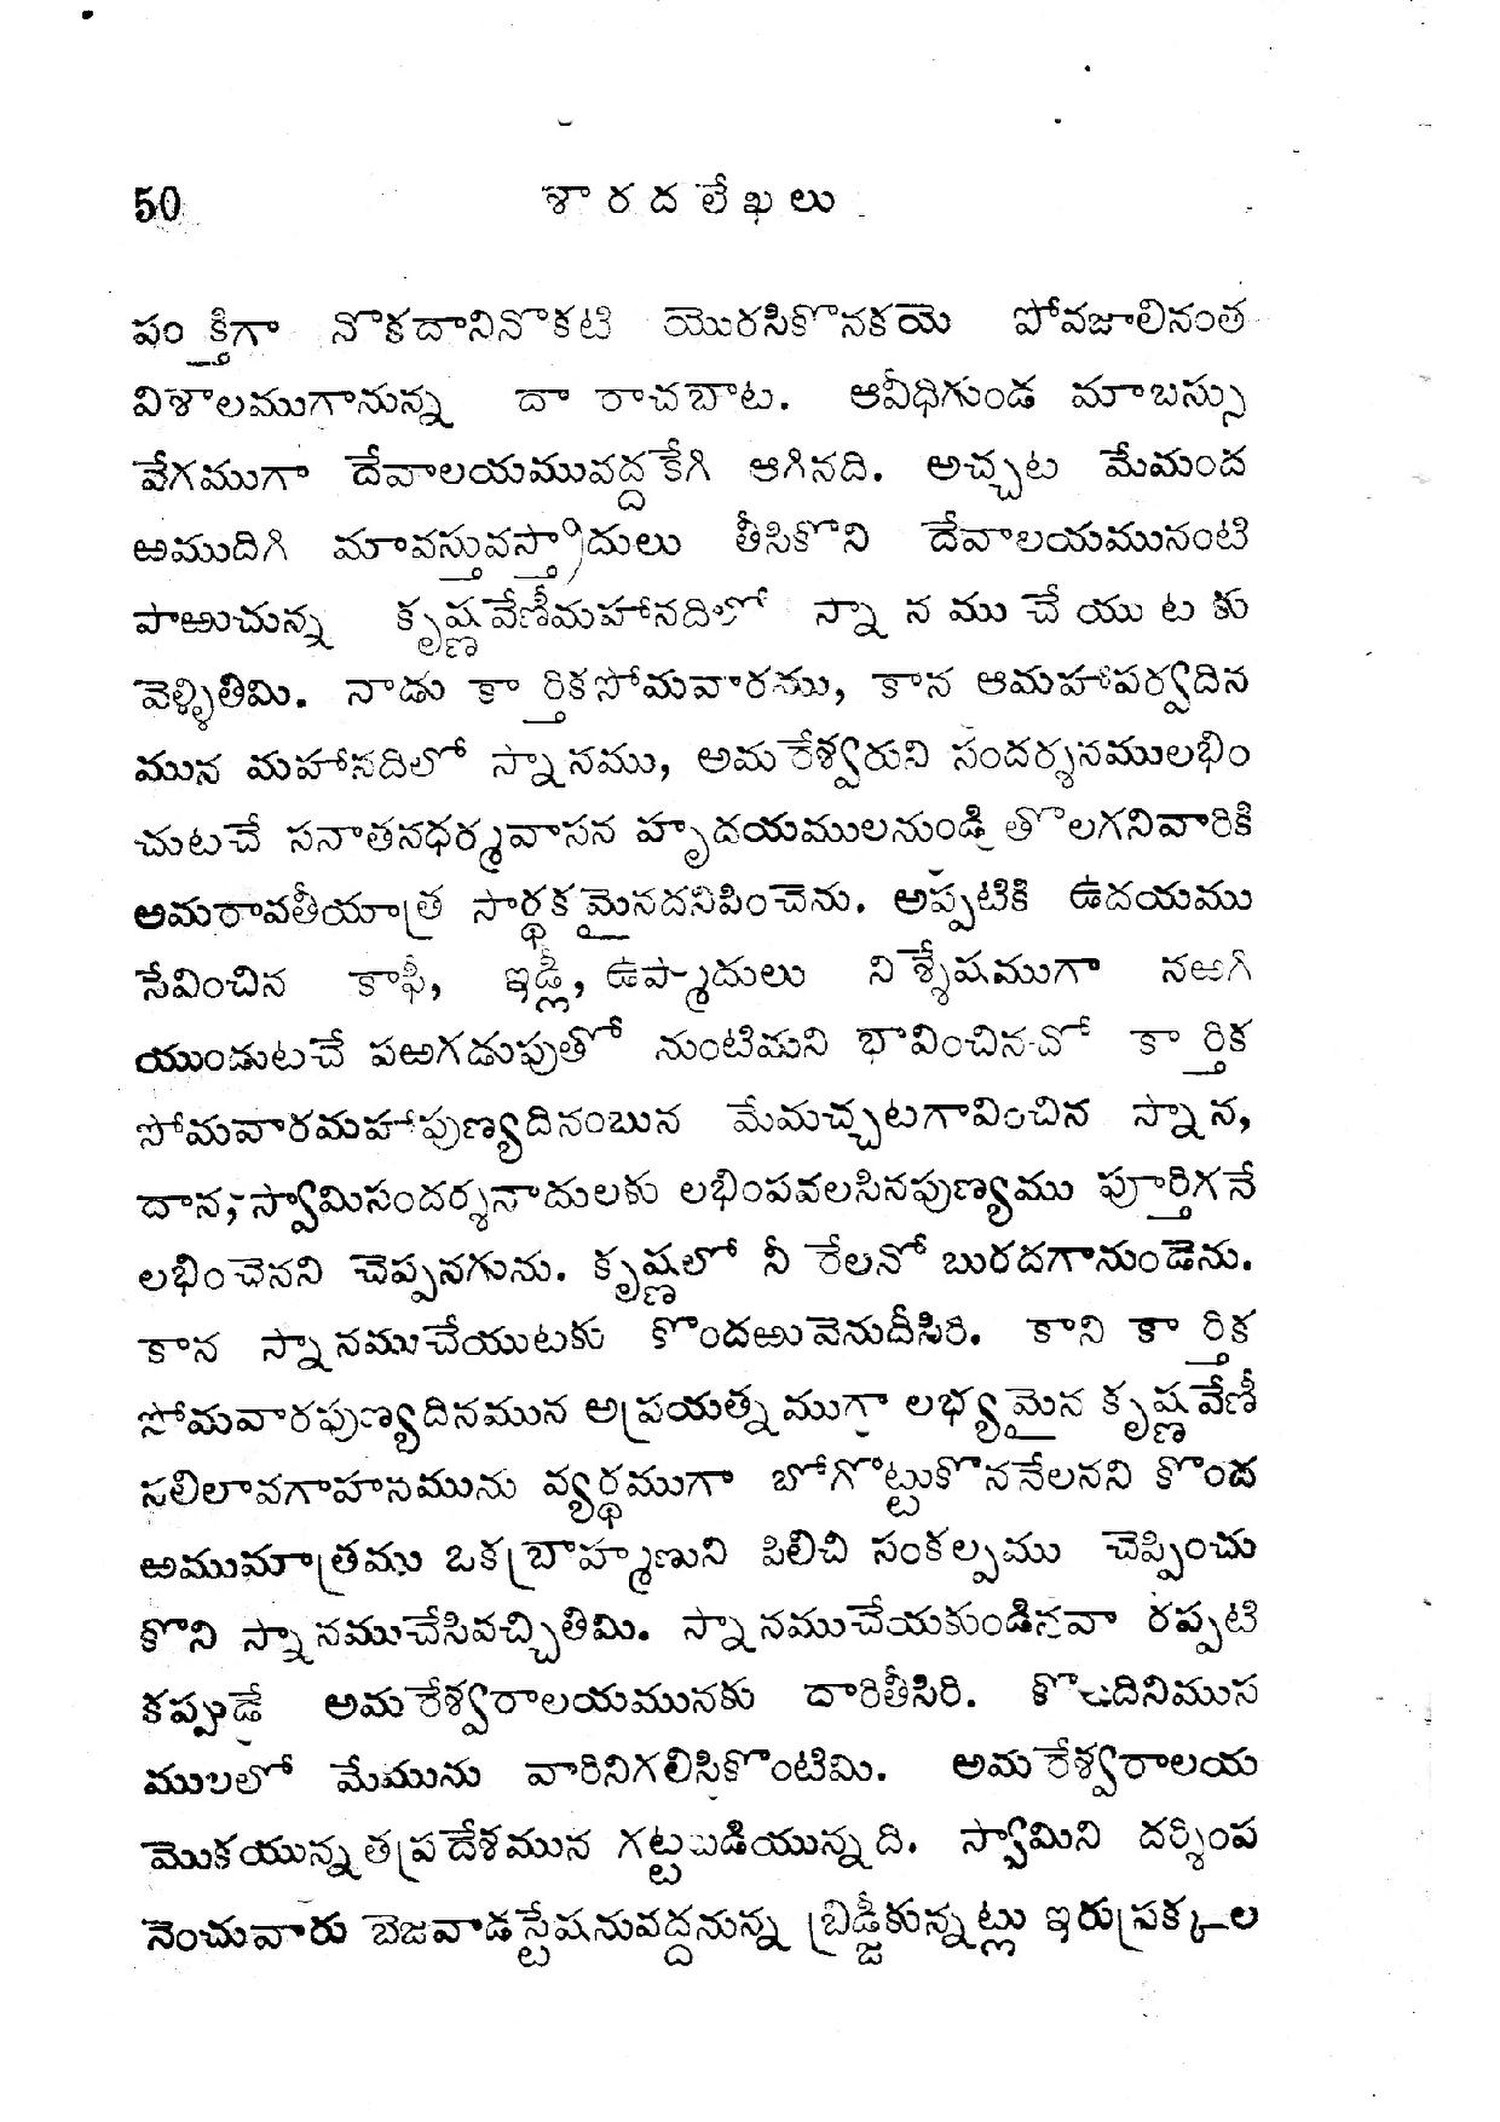పంక్తిగా నొకదానినొకటి యొరసికొనకయే పోవజాలినంత
విశాలముగానున్న దా రాచబాట. ఆవీధిగుండ మా బస్సు
వేగముగా దేవాలయమువద్ద కేగి ఆగినది. అచ్చట మేమంద
ఱముదిగి మావస్తువస్త్రాదులు తీసికొని దేవాలయమునంటి
పాఱుచున్న కృష్ణవేణీమహానదిలో స్నానము చేయుటకు
వెళ్ళితిమి. నాడు కార్తిక సోమవారము, కాన ఆమహాపర్వదిన
మున మహానదిలో స్నానము, అమరేశ్వరుని సందర్శనములభిం
చుటచే సనాతనధర్మవాసన హృదయములనుండి తొలగనివారికి
అమరావతీయాత్ర సార్థకమైనదనిపించెను. అప్పటికి ఉదయము
సేవించిన కాఫీ, ఇడ్లీ, ఉప్మాదులు నిశ్శేషముగా నఱగి 
యుండుటచే పఱగడుపుతో నుంటిమని భావించినచో కార్తిక
సోమవారమహాపుణ్యదినంబున మేమచ్చటగావించిన స్నాన,
దాన; స్వామిసందర్శనాదులకు లభింపవలసినపుణ్యము పూర్తిగనే
లభించెనని చెప్పనగును. కృష్ణలో నీ రేలనో బురదగానుండెను.
కానీ స్నానము చేయుటకు కొందఱు వెనుదీసిరి. కాని కార్తిక
సోమవారపుణ్యదినమున అప్రయత్నముగా లభ్యమైన కృష్ణవేణీ
సలిలావగాహనమును వ్యర్థముగా బోగొట్టుకొననేలనని కొంద
ఱముమాత్రము ఒక బ్రాహ్మణుని పిలిచి సంకల్పము చెప్పించు
కొని స్నానముచేసివచ్చితిమి. స్నానముచేయకుండినవా రప్పటి
కప్పుడే అమరేశ్వరాలయమునకు దారితీసిరి. కొలదినిముస
ములలో మేమును వారినిగలిసికొంటిమి. అమరేశ్వరాలయ
మొకయున్నతప్రదేశమున గట్టబడియున్నది. స్వామిని దర్శింప
నెంచువారు బెజవాడ స్టేషనువద్దనున్న బ్రిడ్జీకున్నట్లు ఇరుప్రక్కల